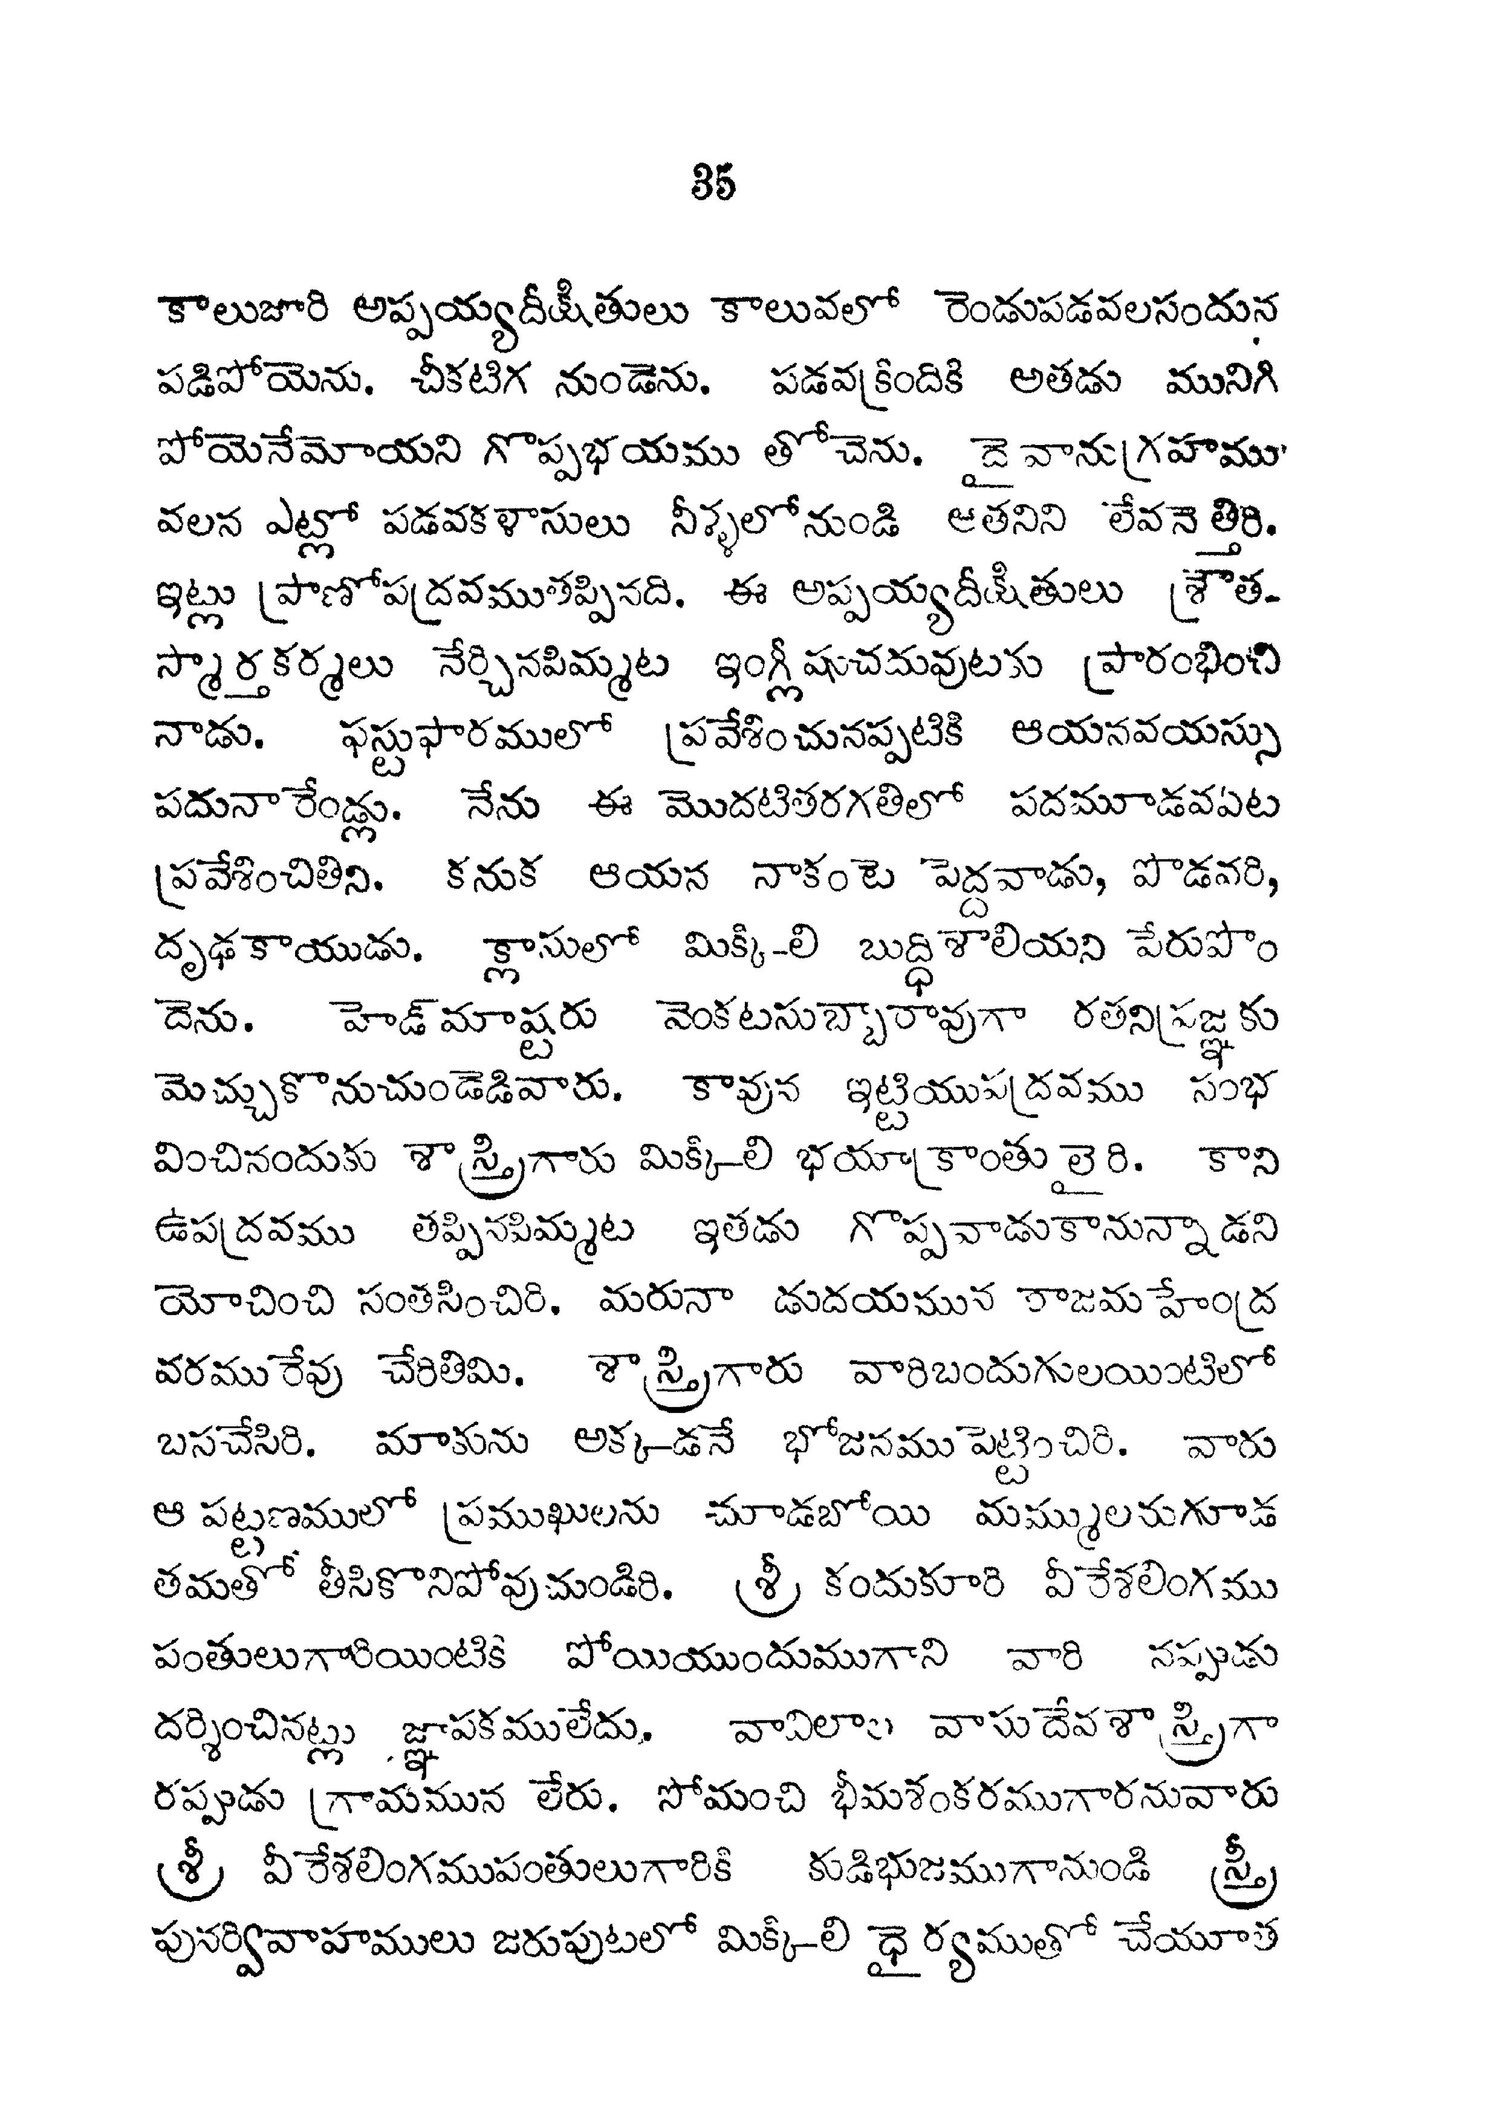కాలుజారి అప్పయ్యదీక్షితులు కాలువలో రెండుపడవలసందున పడిపోయెను. చీకటిగ నుండెను. పడవక్రిందికి అతడు మునిగిపోయెనేమోయని గొప్పభయము తోచెను. దైవానుగ్రహము వలన ఎట్లో పడవకళాసులు నీళ్ళలోనుండి అతనిని లేవనెత్తిరి. ఇట్లు ప్రాణోపద్రవముతప్పినది. ఈ అప్పయ్యదీక్షితులు శ్రౌతస్మార్తకర్మలు నేర్చినపిమ్మట ఇంగ్లీషుచదువుటకు ప్రారంభించినాడు. ఫస్టుఫారములో ప్రవేశించునప్పటికి ఆయనవయస్సు పదునారేండ్లు. నేను ఈ మొదటితరగతిలో పదమూడవఏట ప్రవేశించితిని. కనుక ఆయన నాకంటె పెద్దవాడు, పొడవరి, దృడకాయుడు. క్లాసులో మిక్కిలి బుద్ధిశాలియని పేరుపొందెను. హెడ్‌మాష్టరు వెంకటసుబ్బారావుగా రతనిప్రజ్ఞకు మెచ్చుకొనుచుండెడివారు. కావున ఇట్టియుపద్రవము సంభవించినందుకు శాస్త్రిగారు మిక్కిలి భయాక్రాంతులైరి. కాని ఉపద్రవము తప్పినపిమ్మట ఇతడు గొప్పవాడుకానున్నాడని యోచించి సంతసించిరి. మరునా డుదయమున రాజమహేంద్రవరమురేవు చేరితిమి. శాస్త్రిగారు వారిబందుగులయింటిలో బసచేసిరి. మాకును అక్కడనే భోజనముపెట్టించిరి. వారు ఆ పట్టణములో ప్రముఖులను చూడబోయి మమ్ములనుగూడ తమతో తీసికొనిపోవుచుండిరి. శ్రీ కందుకూరి వీరేశలింగము పంతులుగారియింటికి పోయియుందుముగాని వారి నప్పుడు దర్శించినట్లు జ్ఞాపకములేదు. వావిలాల వాసుదేవశాస్త్రిగారప్పుడు గ్రామమున లేరు. సోమంచి భీమశంకరముగారనువారు శ్రీ వీరేశలింగముపంతులుగారికి కుడిభుజముగానుండి స్త్రీపునర్వివాహములు జరుపుటలో మిక్కిలి ధైర్యముతో చేయూత